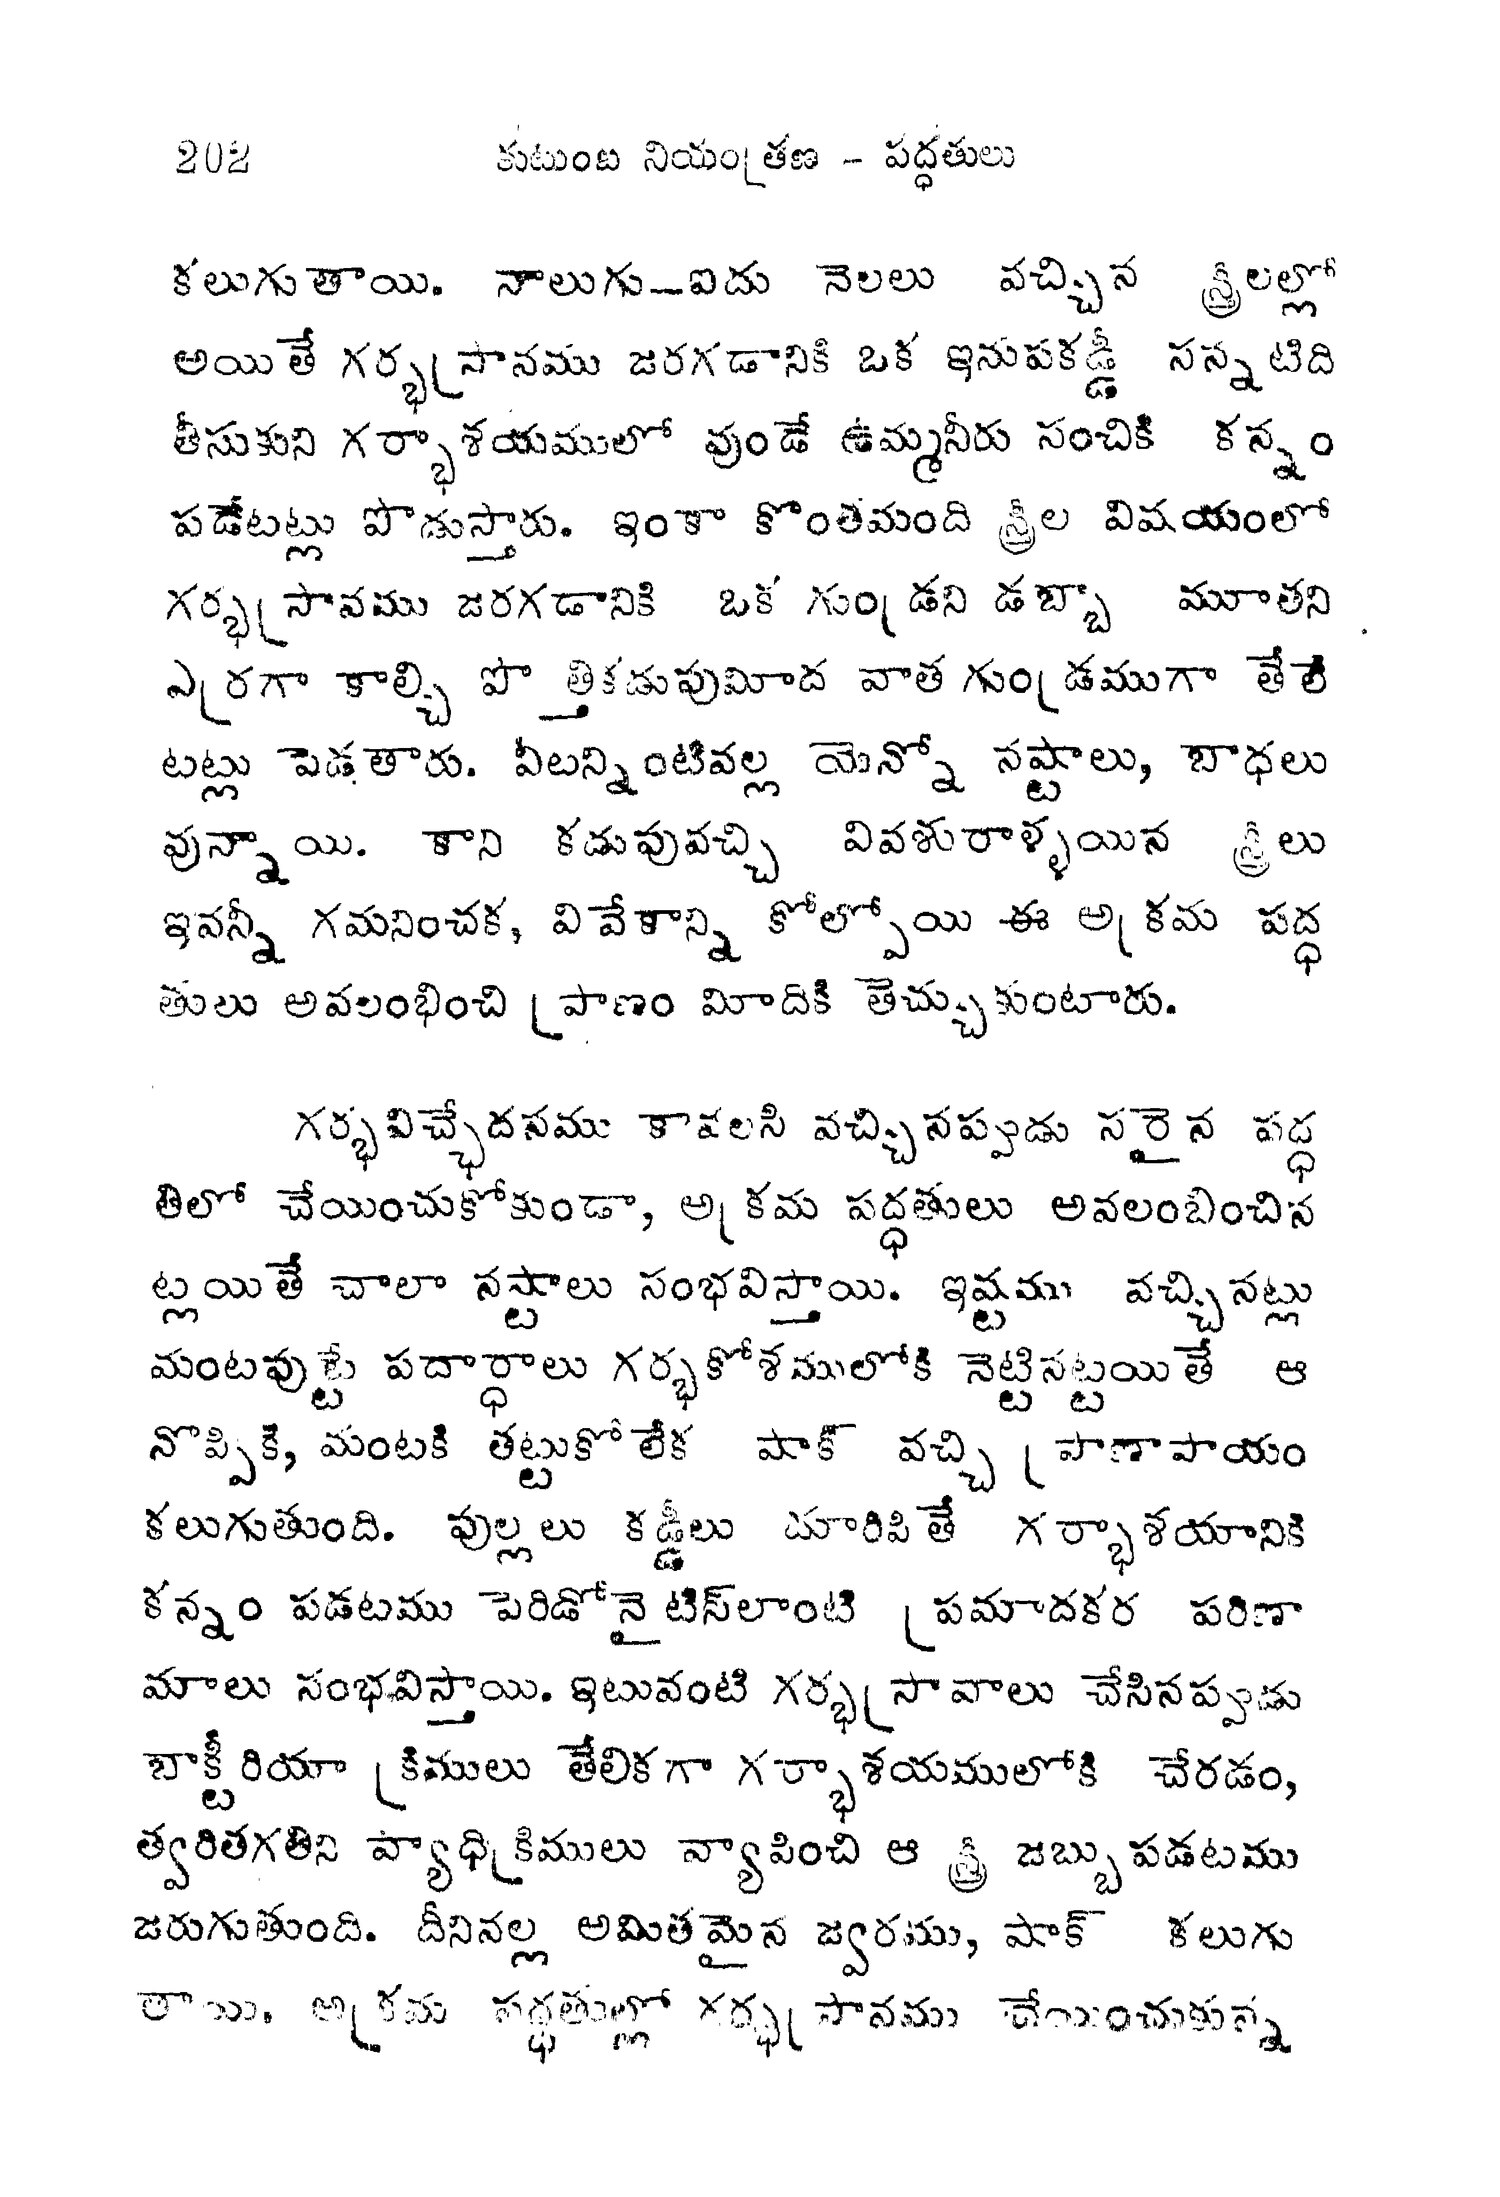కలుగుతాయి. నాలుగు-ఐదు నెలలు వచ్చిన స్త్రీలల్లో అయితే గర్భస్రావము జరగడానికి ఒక ఇనుపకడ్డీ సన్నటిది తీసుకుని గర్భాశయంలో వుండే ఉమ్మనీరు సంచికి కన్నంపడేటట్లు పొడుస్తారు. ఇంకా కొంతమంది స్త్రీల విషయంలో గర్భస్రావము జరగడానికి ఒక గుండ్రని డబ్బా మూతని ఎర్రగా కాల్చి పొత్తికడుపుమీద వాత గుండ్రముగా తేలేటట్లు పెడతారు. వీటన్నింటివల్ల యెన్నో నష్టాలు, బాధలు వున్నాయి. కాని కడుపువచ్చి వివశురాళ్ళయిన స్త్రీలు ఇవన్నీ గమనించక, వివేకాన్ని కోల్పోయి ఈ అక్రమ పద్దతులు అవలంబించి ప్రాణం మీదికి తెచ్చుకుంటారు.

గర్భవిచ్ఛేదనము కావలసి వచ్చినప్పుడు సరైన పద్దతిలో చేయించుకోకుండా, అక్రమ పద్దతులు అవలంబించినట్లయితే చాలా నష్టాలు సంభవిస్తాయి. ఇష్టము వచ్చినట్లు మంటపుట్టే పదార్దాలు గర్భకోశములోకి నెట్టినట్లయితే ఆ నొప్పికి, మంటకి తట్టుకోలేక షాక్ వచ్చి ప్రాణాపాయం కలుగుతుంది. పుల్లలు కడ్డీలు దూరిపితే గర్భాశయానికి కన్నం పడటము పెరిడోనైటిస్‌లాంటి ప్రమాదకర పరిణామాలు సంభవిస్తాయి. ఇటువంటి గర్భస్రావాలు చేసినప్పుడు బాక్టీరియా క్రిములు తేలికగా గర్భాశయములోకి చేరడం, త్వరితగతిని వ్యాధిక్రిములు వ్యాపించి ఆ స్త్రీ జబ్బుపడటము జరుగుతుంది. దీనివల్ల అమితమైన జ్వరము, షాక్ కలుగుతాయి. అక్రమ పద్దతుల్లో గర్భస్రావము చేయించుకున్న